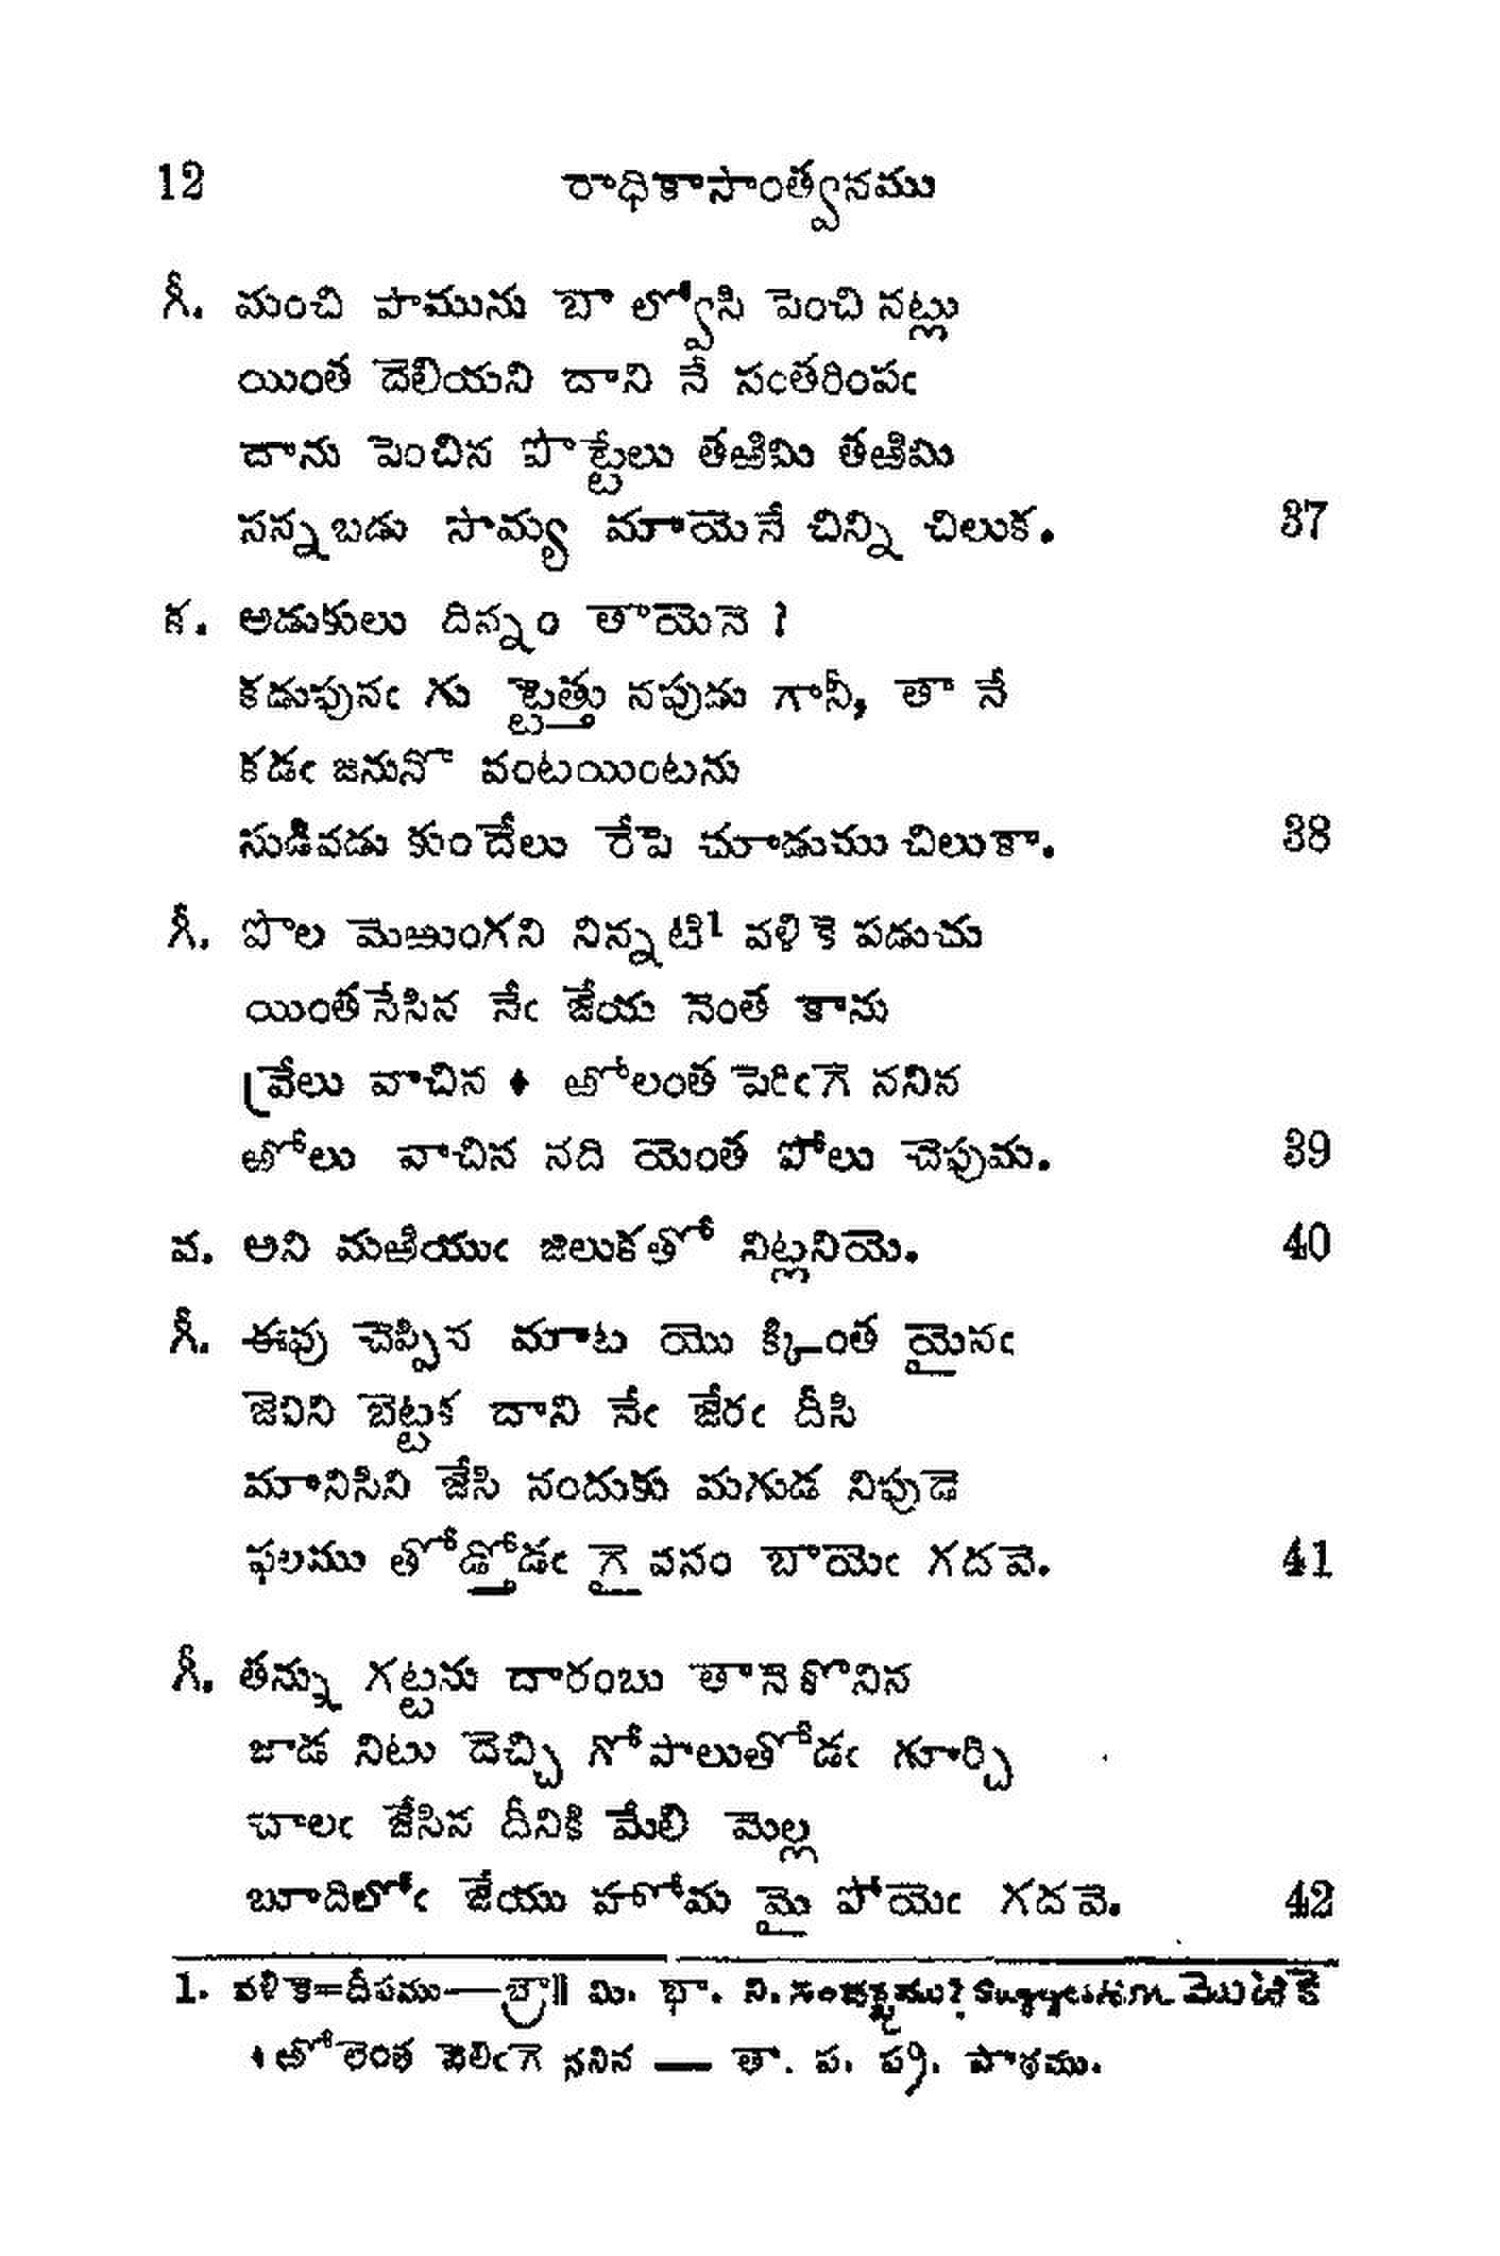గీ. మంచిపామును బా ల్వోసి పెంచినట్లు
యింత దెలియని దాని నే సంతరింపఁ
దాను పెంచిన పొట్టేలు తఱిమి తఱిమి
సన్నబడు సామ్య మాయెనే చిన్నిచిలుక. 37

క. అడుకులు దిన్నం తాయెనె?
కడుపునఁ గు ట్టెత్తు నపుడు గానీ, తా నే
కడఁ జనునొ వంటయింటను
సుడివడు కుందేలు రేపె చూడుము చిలుకా. 38

గీ. పొల మెఱుంగని నిన్నటి వళికె పడుచు
యింత సేసిన నేఁ జేయ నెంత కాను
వ్రేలు వాచిన ఱోలంత పెరిఁగె ననిన
ఱోలు వాచిన నది యెంత పోలు చెపుమ. 39

వ. అని మఱియుఁ జిలుకతో నిట్లనియె. 40

గీ. ఈవు చెప్పిన మాట యొక్కింత యైన
జెవిని బెట్టక దాని నేఁ జేరఁ దీసి
మానిసిని జేసి నందుకు మగుడ నిఫుడె
ఫలము తోడ్తోడఁ గైవసం బాయెఁ గదవె. 41

గీ, తన్ను గట్టను దారంబు తానె కొనిన
జాడ నిటు దెచ్చి గోపాలుతోడఁ గూర్చి
చాలఁ జేసిన దీనికి మేలి మెల్ల
బూదిలోఁ జేయు హోమ మై పోయెఁ గదవె. 42